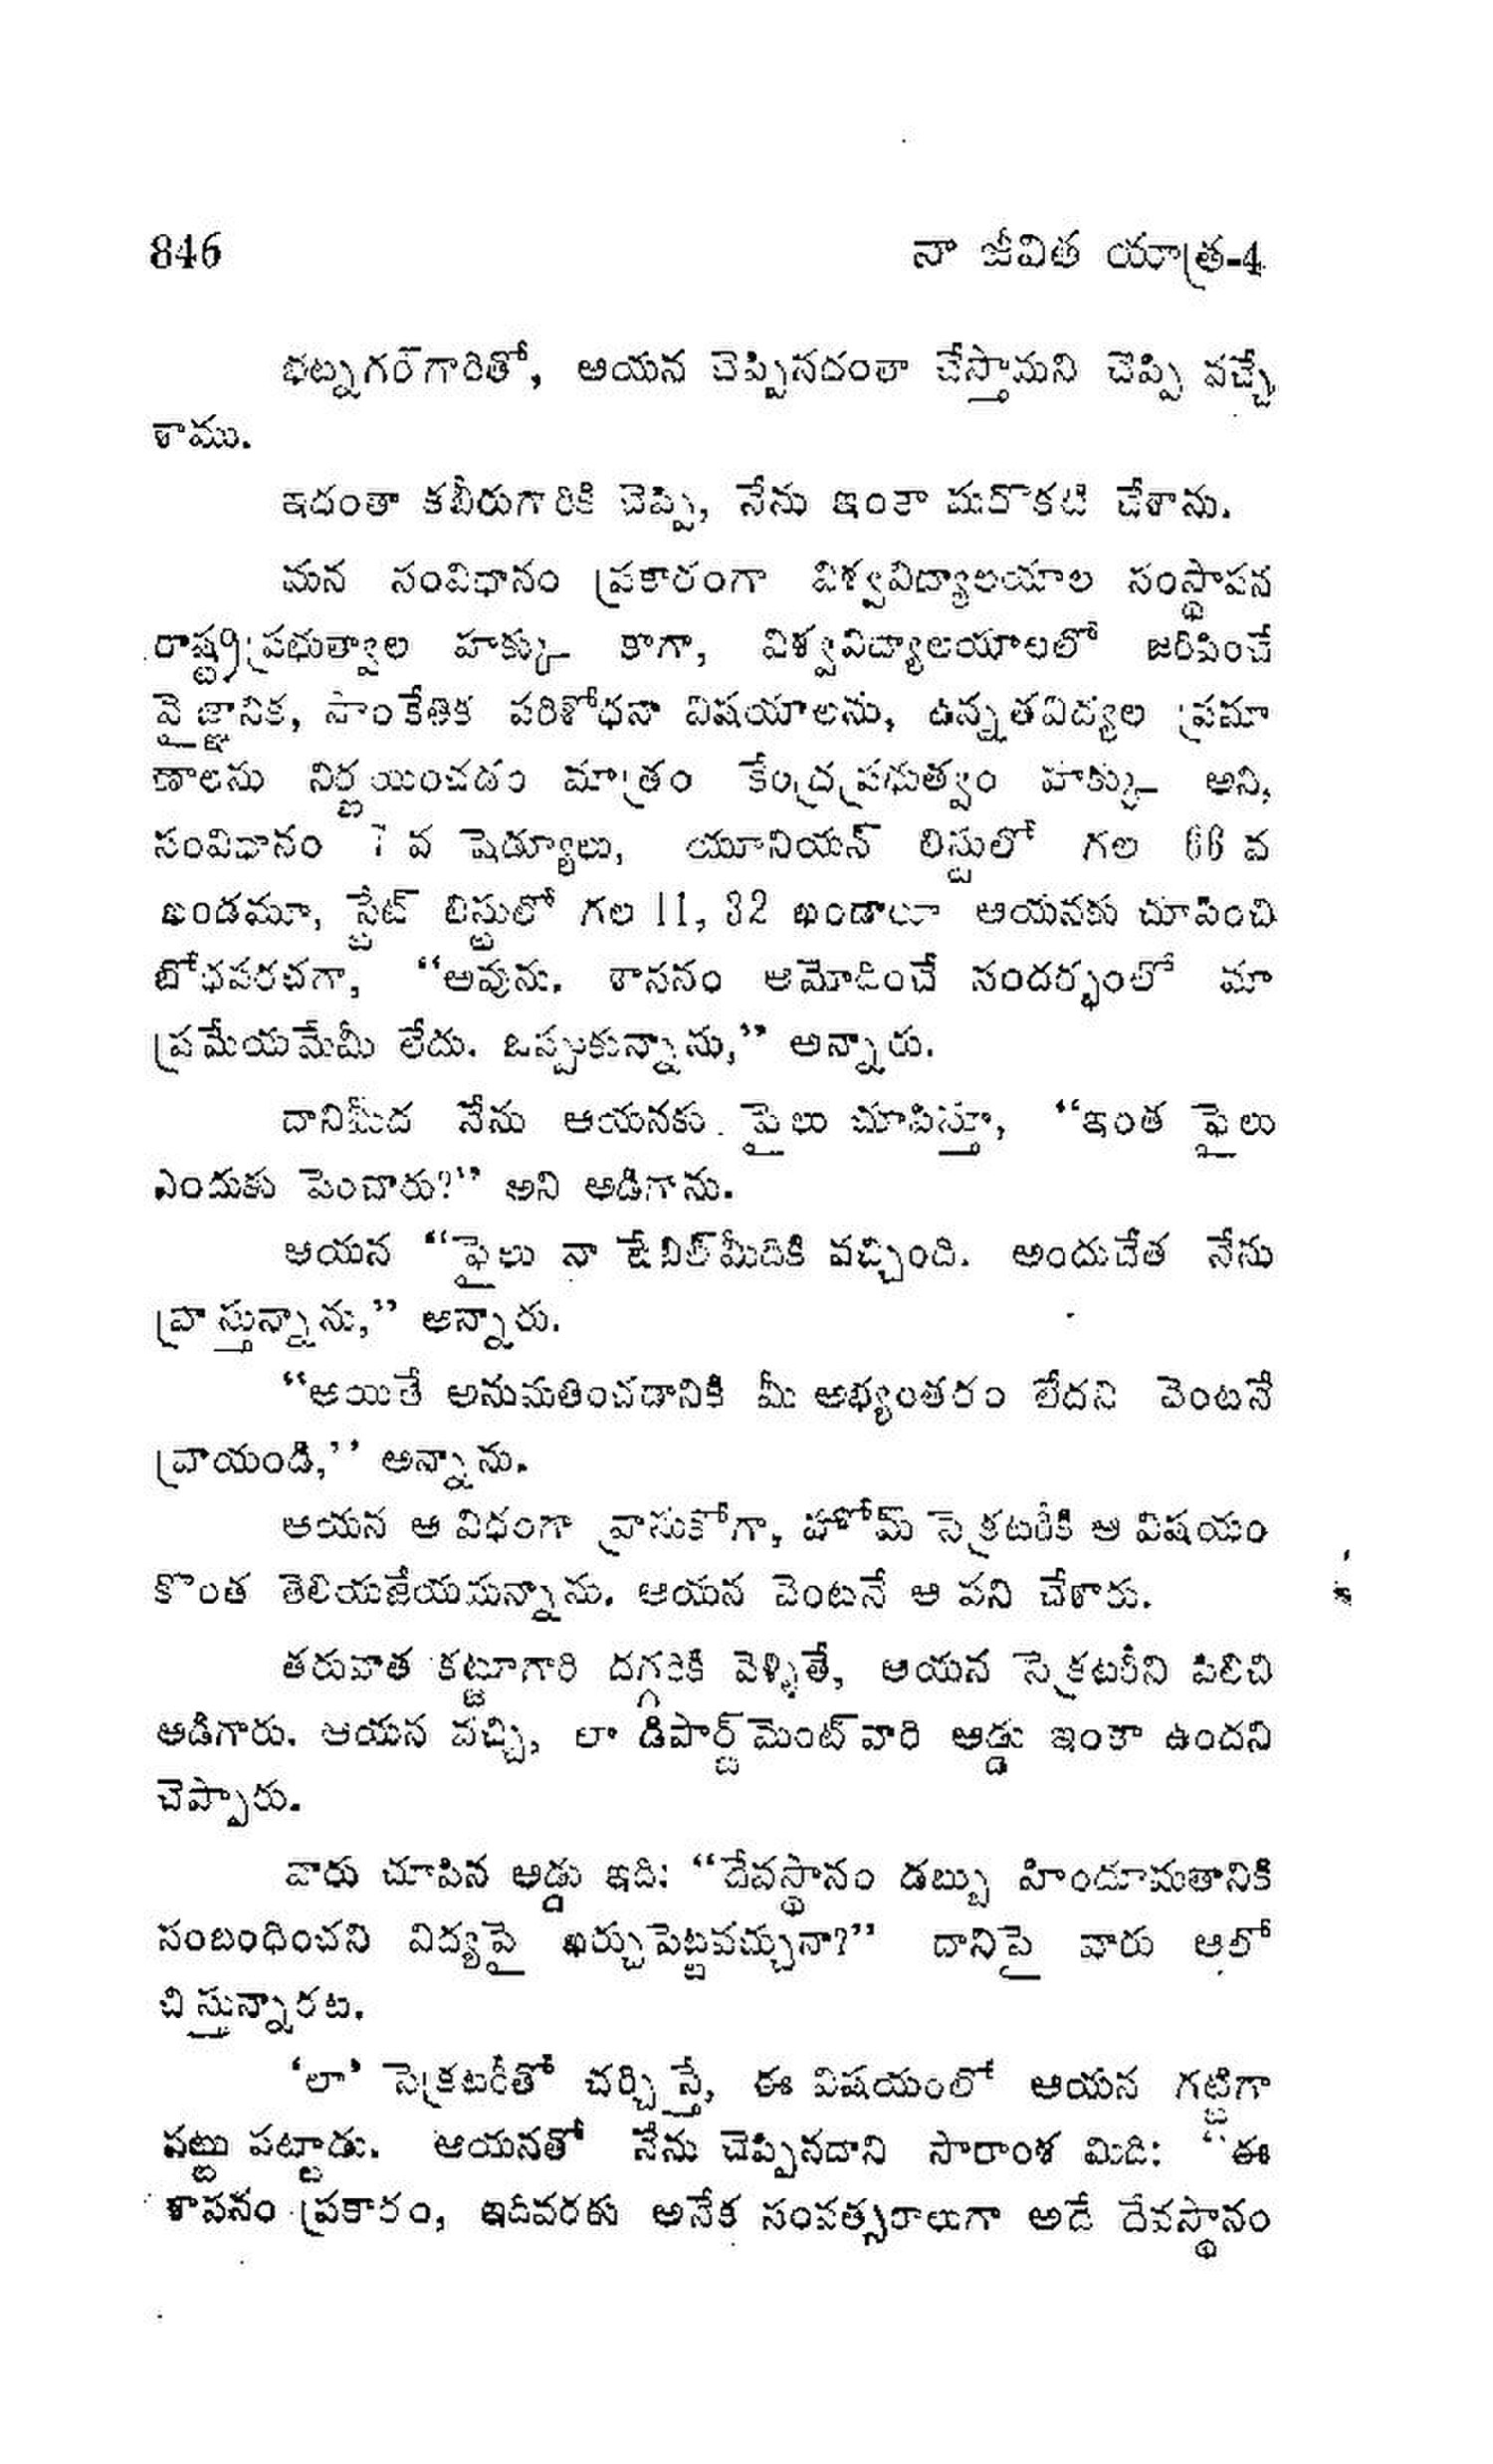భట్నగర్‌గారితో, ఆయన చెప్పినదంతా చేస్తామని చెప్పి వచ్చేశాము.

ఇదంతా కబీరుగారికి చెప్పి, నేను ఇంకా మరొకటి చేశాను.

మన సంవిధానం ప్రకారంగా విశ్వవిద్యాలయాల సంస్థాపన రాష్ట్రప్రభుత్వాల హక్కు కాగా, విశ్వవిద్యాలయాలలో జరిపించే వైజ్ఞానిక, సాంకేతిక పరిశోధనా విషయాలను, ఉన్నతవిద్యల ప్రమాణాలను నిర్ణయించడం మాత్రం కేంద్రప్రభుత్వం హక్కు అని, సంవిధానం 7 వ షెడ్యూలు, యూనియన్ లిస్టులో గల 66 వ ఖండమూ, స్టేట్ లిస్టులో గల 11, 32 ఖండాలూ ఆయనకు చూపించి బోధపరచగా, "అవును. శాసనం ఆమోదించే సందర్భంలో మా ప్రమేయమేమీ లేదు. ఒప్పుకున్నాను," అన్నారు.

దానిమీద నేను ఆయనకు ఫైలు చూపిస్తూ, "ఇంత ఫైలు ఎందుకు పెంచారు?" అని అడిగాను.

ఆయన "ఫైలు నా టేబిల్‌మీదికి వచ్చింది. అందుచేత నేను వ్రాస్తున్నాను," అన్నారు.

"అయితే అనుమతించడానికి మీ అభ్యంతరం లేదని వెంటనే వ్రాయండి," అన్నాను.

ఆయన ఆ విధంగా వ్రాసుకోగా, హోమ్ సెక్రటరీకి ఆ విషయం కొంత తెలియజేయమన్నాను. ఆయన వెంటనే ఆ పని చేశారు.

తరువాత కట్జూగారి దగ్గరికి వెళ్ళితే, ఆయన సెక్రటరీని పిలిచి అడిగారు. ఆయన వచ్చి, లా డిపార్ట్‌మెంట్‌వారి అడ్డు ఇంకా ఉందని చెప్పారు.

వారు చూపిన అడ్డు ఇది: "దేవస్థానం డబ్బు హిందూమతానికి సంబంధించని విద్యపై ఖర్చుపెట్టవచ్చునా?" దానిపై వారు ఆలోచిస్తున్నారట.

'లా' సెక్రటరీతో చర్చిస్తే, ఈ విషయంలో ఆయన గట్టిగా పట్టు పట్టాడు. ఆయనతో నేను చెప్పినదాని సారాంశ మిది: "ఈ శాసనం ప్రకారం, ఇదివరకు అనేక సంవత్సరాలుగా అదే దేవస్థానం